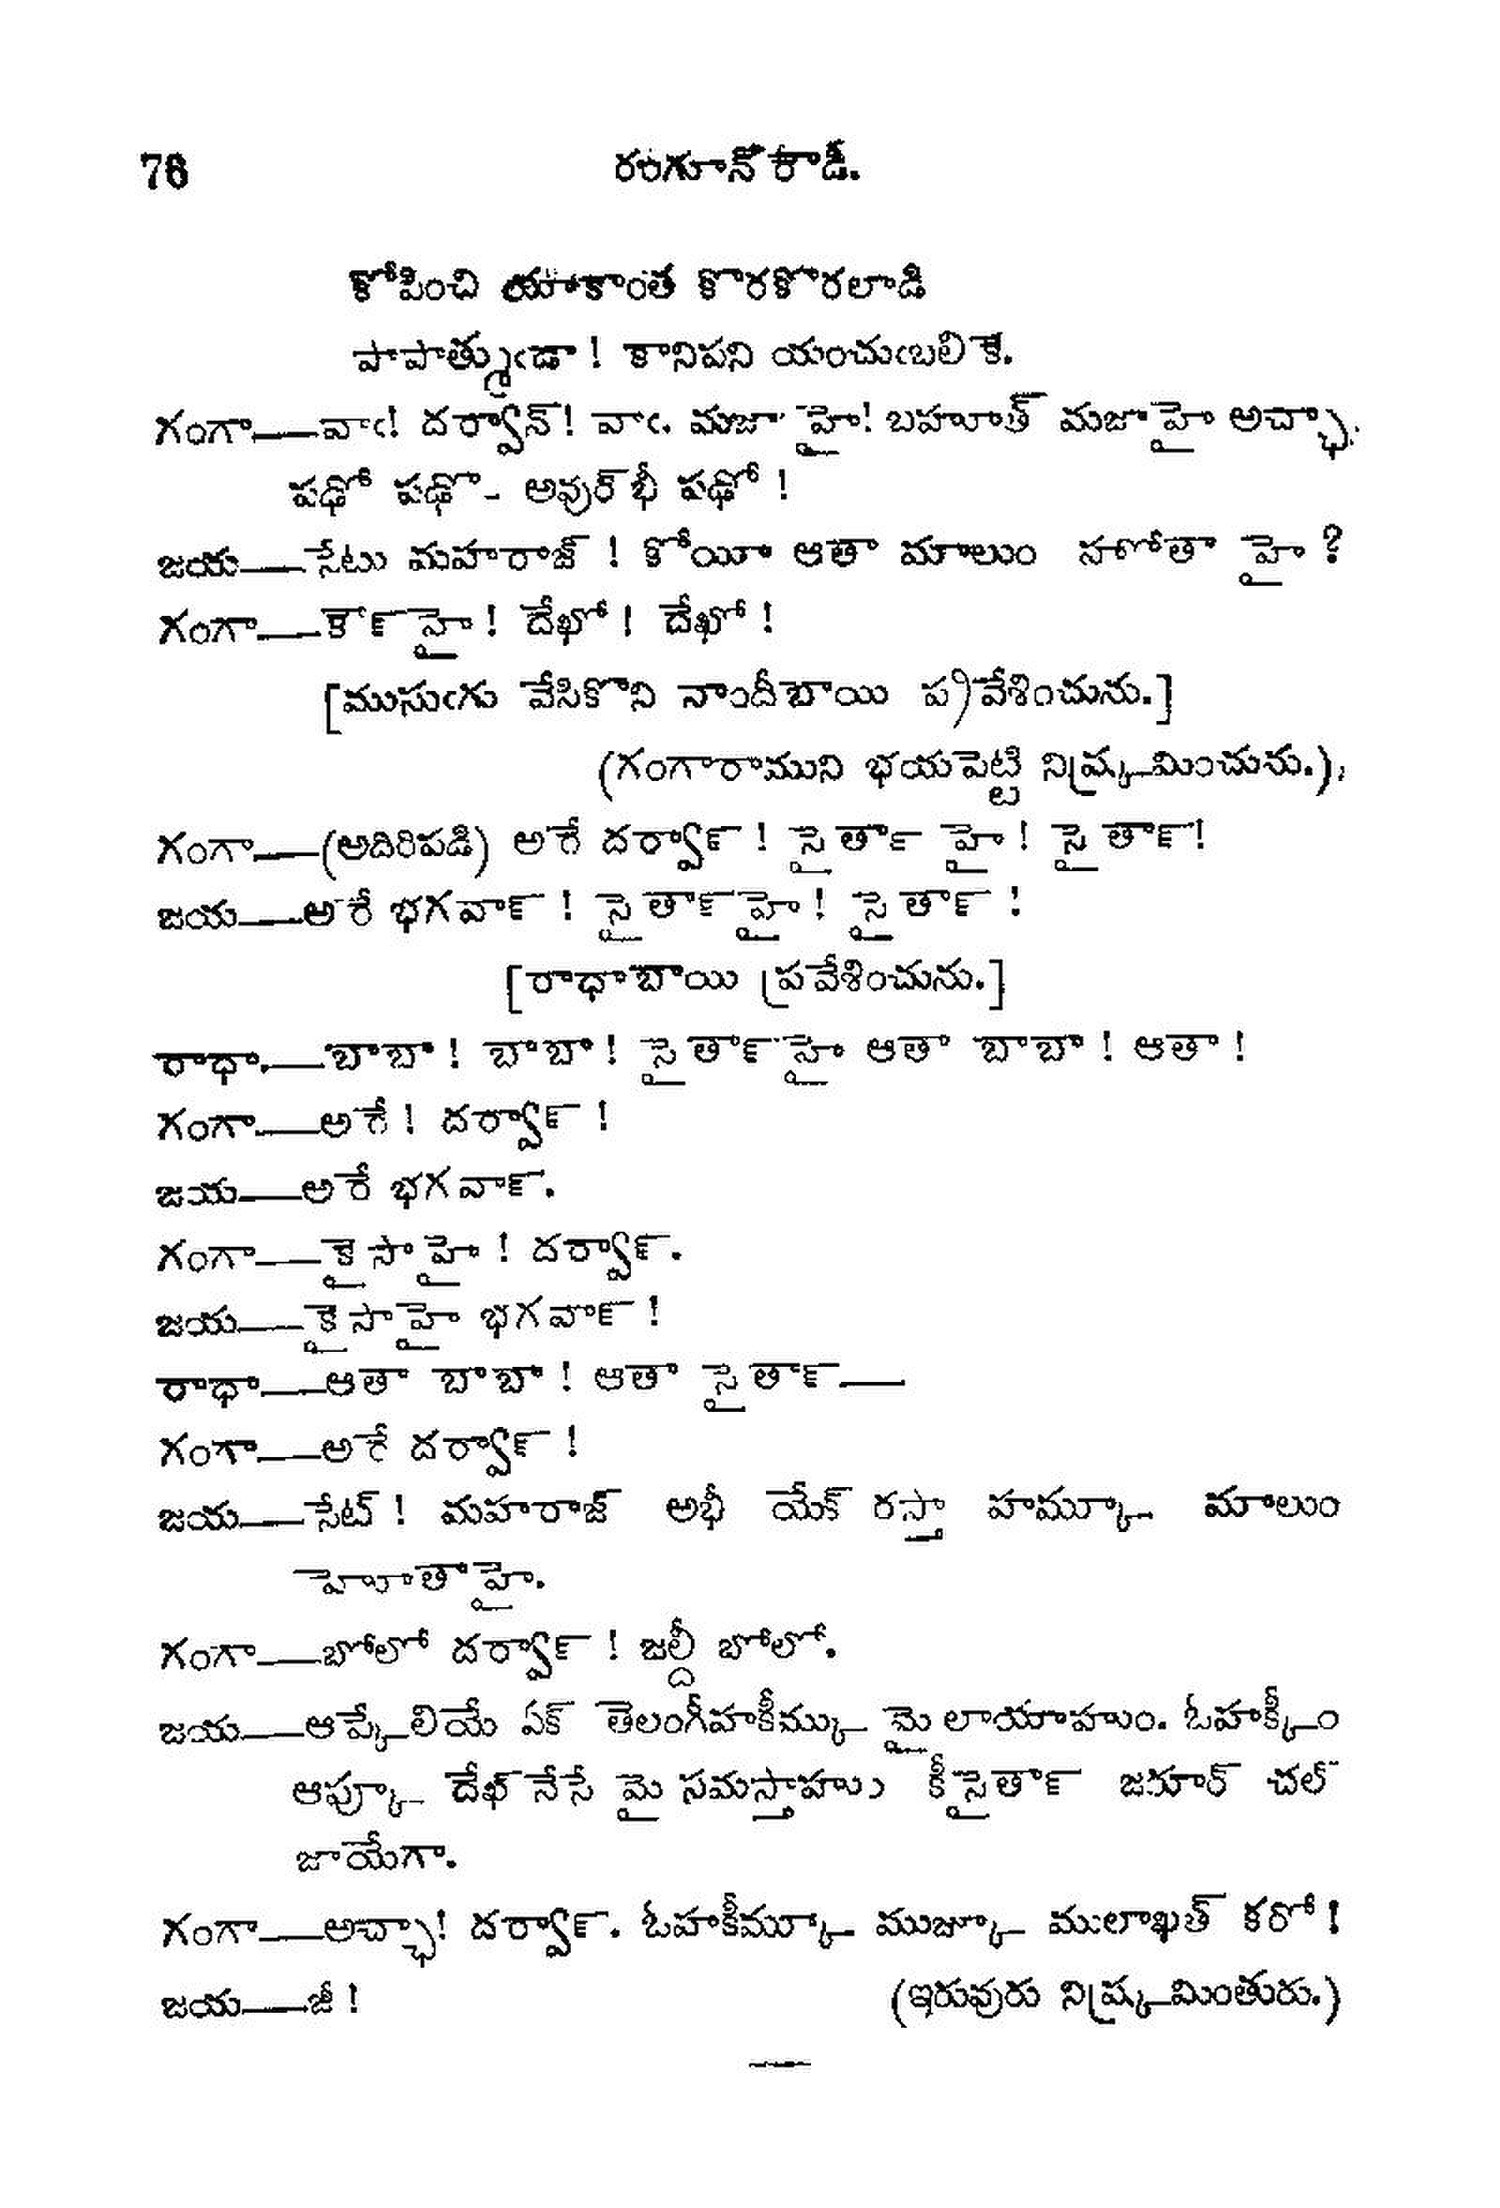కోపించి యూకాంత కొరకొరలాడి
 పాపాత్ముఁడా ! కానిపని యంచుఁబలికె.
గంగా - వాఁ! దర్వాన్ ! వాఁ మజా హై! బహూత్ మజాహై అచ్ఛా. పడో పడొ. అవుర్ భీ పడో !

జయ - సేటు మహరాజ్ ! కోయీ ఆతా మాలుం హోతా హై?

గంగా - కౌన్ హై! దేఖో ! దేఖో !

గంగా -- (అదిరిపడి) అరే దర్వాన్ ! సైతాన్ హై! సైతాన్!

జయ అరే భగవాన్ ! సైతాన్ హై! సైతాన్ !

రాధా - బాబా! బాబా! సైతాన్ హై ఆతా బాబా ! ఆతా !

గంగా - అరే ! దర్వాన్ !

జయ - అరే భగవాన్.

గంగా -- కైసాహై! దర్వాన్.

జయ - కెసాహై భగవాన్!

రాధా - ఆతా బాబా ! ఆతా సైతాన్

గంగా - అరే దర్వాన్ !

జయ - సేట్ ! మహరాజ్ అభీ యేక్ రస్తా హమ్కూ మాలుం హెతాహై.

గంగా - బోలో దర్వాన్ ! జల్దీ బోలో.

జయ - ఆప్కేలియే ఏక్ తెలంగీహకీమ్కు మైలాయాహుం. ఓహక్కీం ఆప్కూ దేఖ్ నేసే మై సమస్తాహుం కీసైతాన్ జరూర్ చల్ జాయేగా.

గంగా - అచ్ఛా! దర్వాన్. ఓహకీమ్కూ ముజ్కూ ములాఖత్ కరో!

జయ - జీ!

__________